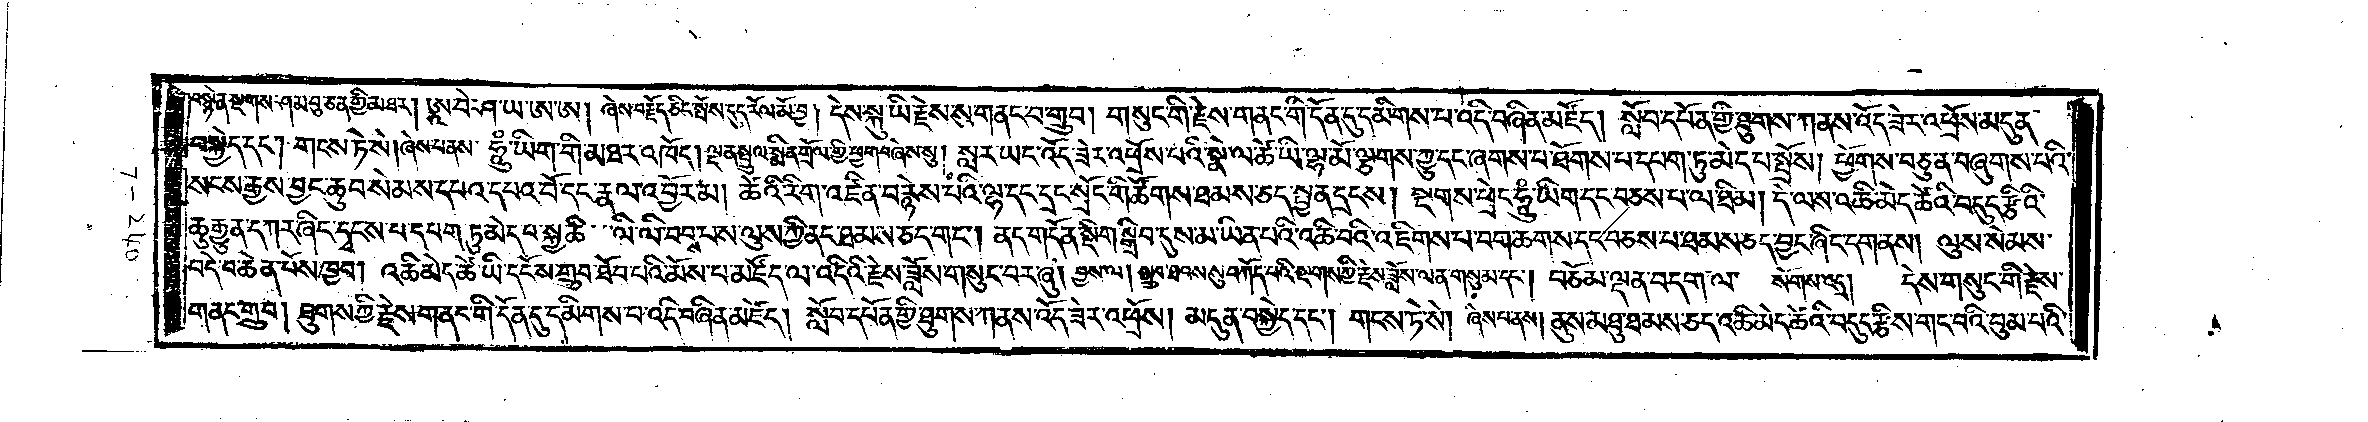སྙེན་སྔགས་ཤམ་བུ་ཅན་གྱི་མཐར། ཨཱ་བེ་ཤ་ཡ་ཨ་ཨ། ཞེས་བརྗོད་ཅིང་སྤོས་དུད་རོལ་མོ་བྱ།  དེས་སྐུ་ཡི་རྗེས་སུ་གནང་བ་གྲུབ། གསུང་གི་རྗེས་གནང་གི་དོན་དུ་དམིགས་པ་འདི་བཞིན་མཛོད། སློབ་དཔོན་གྱི་ཐུགས་ཀ་ནས་འོད་ཟེར་འཕྲོས་མདུན་
བསྐྱེད་དང་། གངས་ཏེ་སེ། ཞེས་པ་ནས་ཧཱུཾ་ཡིག་གི་མཐར་འཁོད། ལྡན་སྤྲུལ་མིན་གྲོལ་གྱི་ཕྱག་བཞེས་སུ། སླར་ཡང་འོད་ཟེར་འཕྲོས་བའི་སྣ་ལ་ཚེ་ལྷ་མོ་ལྕགས་ཀྱུར་དང་ཞགས་བ་ཐོགས་བ་དཔག་ཏུ་མེད་བ་སྤྲོས། ཕྱོགས་བཅུ་ན་བཞུགས་པའི་
སངས་རྒྱས་བྱང་ཆུབ་སེམས་དཔའ་དཔའ་བོ་དང་རྣལ་འབྱོར་མ། ཚེའི་རིག་འཛིན་བརྙེས་པའི་ལྷ་དང་དྲང་སྲོང་གི་ཚོགས་ཐམས་ཅད་སྤྱན་དྲངས། སྔགས་ཕྲེང་ཧཱུཾ་ཡིག་དང་བཅས་པ་ལ་ཐིམ། དེ་ལས་འཆི་མེད་ཚེའི་བདུད་རྩིའི་
ཆུ་རྒྱུན་དཀར་ཞིང་དྲྭངས་པ་དཔག་ཏུ་མེད་པ་སྐྱ་ཆི་ལི་ལི་བབས་པས་ལུས་ཀྱི་ནང་ཐམས་ཅད་གང་། ནད་གདོན་སྡིག་སྒྲིབ་དུས་མ་ཡིན་པའི་འཆི་བའི་འཇིགས་པ་བག་ཆགས་དང་བཅས་པ་ཐམས་ཅད་བྱང་ཞིང་དག་ནས། ལུས་སེམས་
བདེ་བ་ཆེན་པོས་ཁྱབ། འཆི་མེད་ཚེ་ཡི་དངོས་གྲུབ་ཐོབ་པའི་མོས་པ་མཛོད་ལ་འདིའི་རྗེས་ཟློས་གསུང་བར་ཞུ། བྱས་ལ། སྒྲུབ་ཐབས་སུ་བཀོད་པའི་སྔགས་ཀྱི་རྗེས་ཟློས་ལན་གསུམ་དང་།  བཅོམ་ལྡན་བདག་ལ་སོགས་འདྲ།  དེས་གསུང་གི་རྗེས་
གནང་གྲུབ། ཐུགས་ཀྱི་རྗེས་གནང་གི་དོན་དུ་དམིགས་པ་འདི་བཞིན་མཛོད། སློབ་དཔོན་གྱི་ཐུགས་ཀ་ནས་འོད་ཟེར་འཕྲོས། མདུན་བསྐྱེད་དང་། གངས་ཏེ་སེ། ཞེས་པ་ནས།  ནུས་མཐུ་ཐམས་ཅད་འཆི་མེད་ཚེའི་བདུད་རྩིས་གང་བའི་བུམ་པའི་